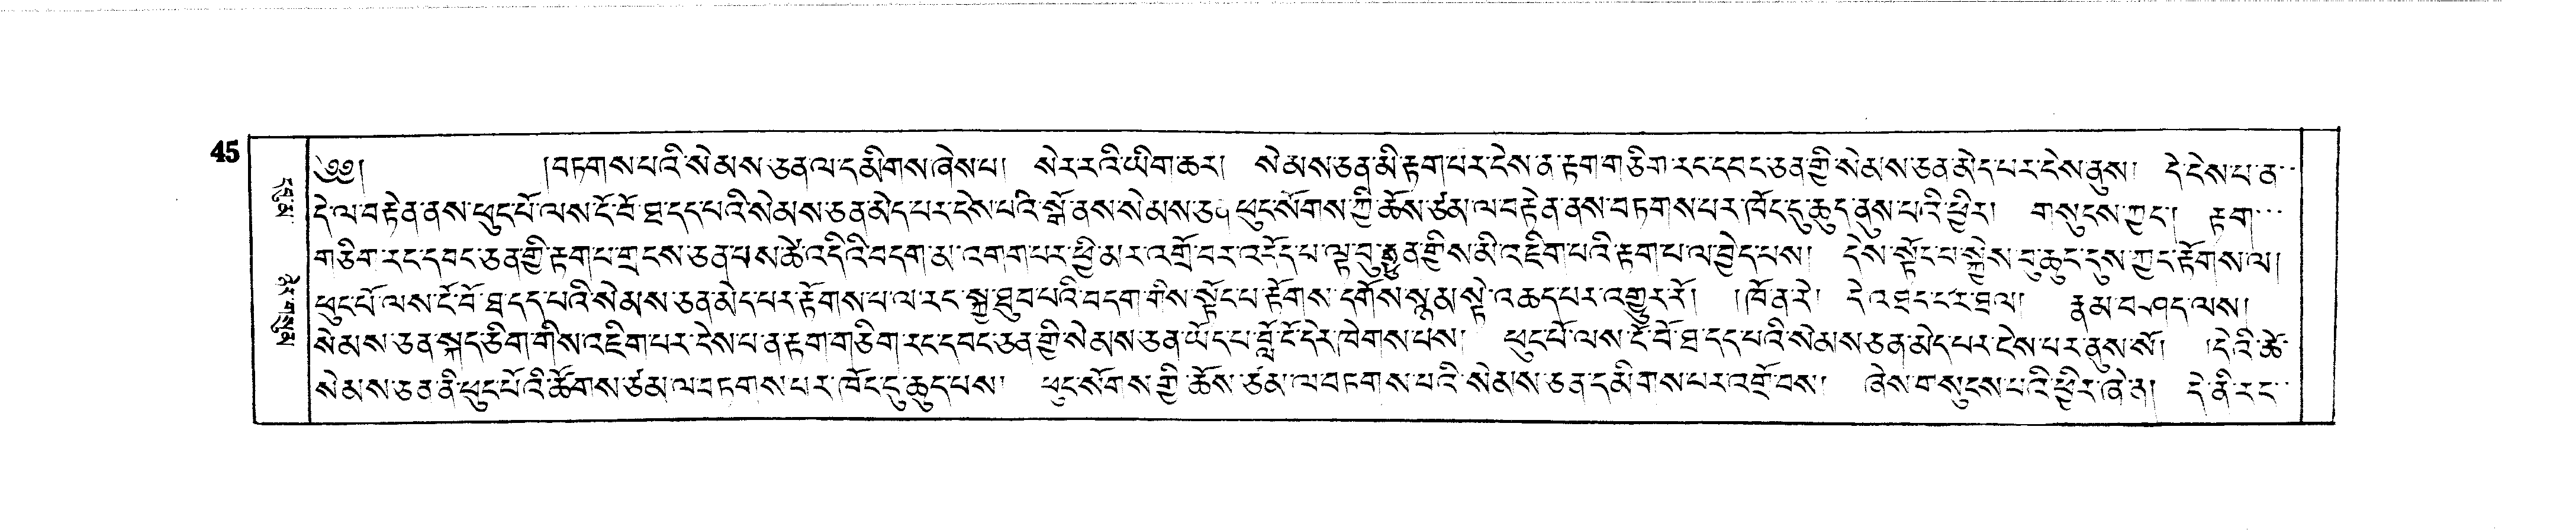༄༅། །བཏགས་པའི་སེམས་ཅན་ལ་དམིགས་ཞེས་པ། སེར་རའི་ཡིག་ཆར། སེམས་ཅན་མི་རྟག་པར་ངེས་ན་རྟག་གཅིག་རང་དབང་ཅན་གྱི་སེམས་ཅན་མེད་པར་ངེས་ནུས། དེ་ངེས་པ་ན་
དེ་ལ་བརྟེན་ནས་ཕུང་པོ་ལས་ངོ་བོ་ཐ་དད་པའི་སེམས་ཅན་མེད་པར་ངེས་པའི་སྒོ་ནས་སེམས་ཅན་ཕུང་སོགས་ཀྱི་ཆོས་ཙམ་ལ་བརྟེན་ནས་བཏགས་པར་ཁོང་དུ་ཆུད་ནུས་པའི་ཕྱིར། གསུངས་ཀྱང་། རྟག་
གཅིག་རང་དབང་ཅན་གྱི་རྟག་པ་གྲངས་ཅན་པས་ཚེ་འདིའི་བདག་མ་འགག་པར་ཕྱི་མར་འགྲོ་བར་འདོད་པ་ལྟ་བུ་རྒྱུན་གྱིས་མི་འཇིགས་པའི་རྟག་པ་ལ་བྱེད་པས། དེས་སྟོང་པ་སྐྱེས་བུ་ཆུང་དུས་ཀྱང་རྟོགས་ལ།
ཕུང་པོ་ལས་ངོ་བོ་ཐ་དད་པའི་སེམས་ཅན་མེད་པར་རྟོགས་པ་ལ་རང་སྐྱ་ཐུབ་པའི་བདག་གིས་སྟོང་པ་རྟོགས་དགོས་སྙམ་སྟེ་འཆད་པར་འགྱུར་རོ། །ཁོ་ན་རེ། དེ་འཐད་པར་ཐལ། རྣམ་བཤད་ལས།
སེམས་ཅན་སྐད་ཅིག་གིས་འཇིགས་པར་ངེས་པ་ན་རྟག་གཅིག་རང་དབང་ཅན་གྱི་སེམས་ཅན་ཡོད་པ་བློ་ངོ་དེར་ཁེགས་པས། ཕུང་པོ་ལས་ངོ་བོ་ཐ་དད་པའི་སེམས་ཅན་མེད་པར་ངེས་པར་ནུས་སོ། །དེའི་ཚེ་
སེམས་ཅན་ནི་ཕུང་པོའི་ཚོགས་ཙམ་ལ་བཏགས་པར་ཁོང་དུ་ཆུད་པས། ཕུང་སོགས་ཀྱི་ཆོས་ཙམ་ལ་བཏགས་པའི་སེམས་ཅན་དམིགས་པར་འགྲོ་བས། ཞེས་གསུངས་པའི་ཕྱིར་ཞེ་ན། དེ་ནི་རང་